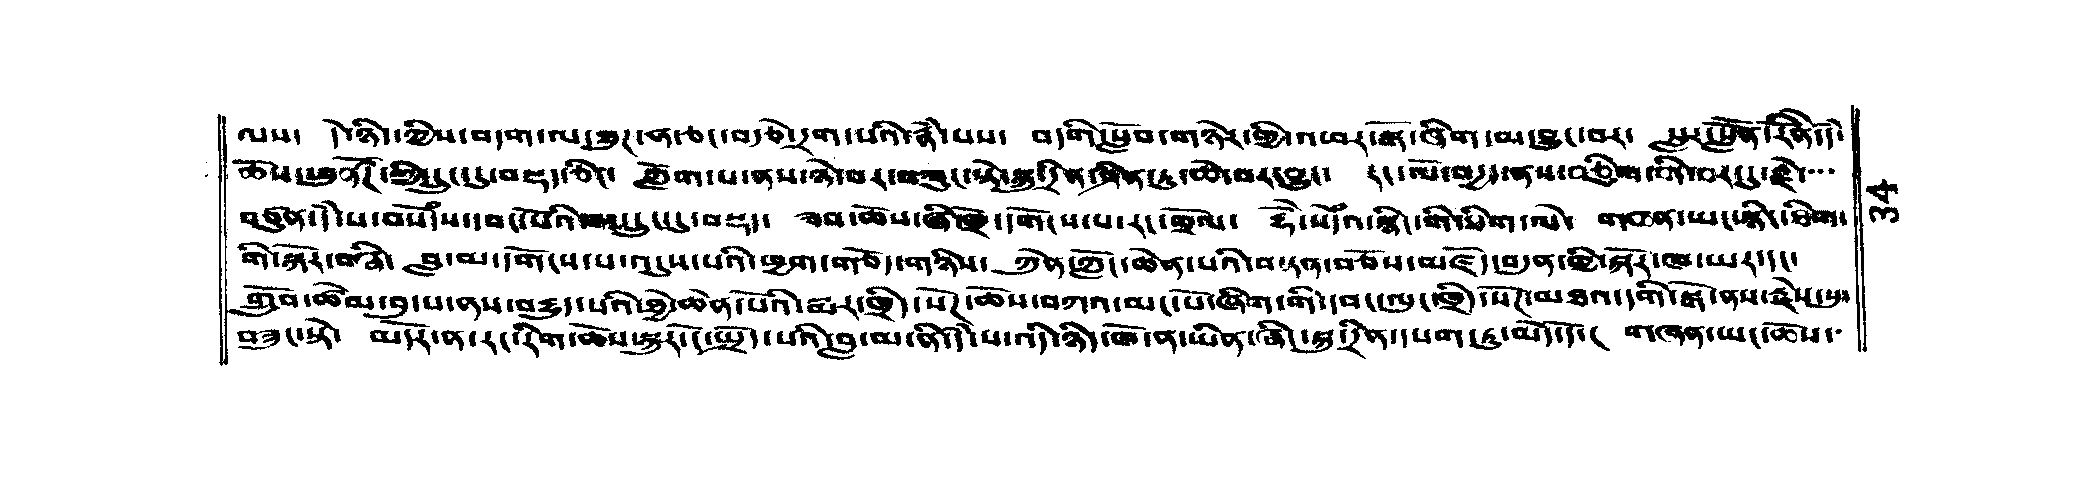ལས། དེ་ཉིད་ཀྱིས་བདག་ལ་ཐུགས་ཧ་ཅང་བརྩེ་དྲག་པའི་རྣམ་པས། བདག་གི་སློབ་གཉེར་གྱི་འཕར་སྒོ་ཞིག་མ་བྱུང་བར། སླར་སློབ་དཔོན་རིན་པོ་ཆེ་དམ་
ཆོས་ཕུན་ཚོགས་ཀྱི་དྲུང་དུ་བསྡད་ཅིང་། ཀློག་པ་ནས་ཉེ་བར་བཟུང་སྟེ་སྐུ་དྲིན་ཤིན་ཏུ་ཆེ་བར་བྱུང་།རང་ལོ་བརྒྱད་ནས་བཅུ་གཅིག་གི་བར་དུ་རྗེ་
བཙུན་དམ་པ་བསོད་ནམས་དབང་པོའི་དྲུང་དུ་བསྡད། ཟབ་ཆོས་ཞི་ཁྲོ་དགོངས་པ་རང་གྲོལ། རྡོ་རྗེ་སེམས་དཔའ་སྙིང་གི་ཐིག་ལེ། གཞན་ཡང་སྙིང་ཐིག་
གི་སྐོར་བཞི། བླ་མ་དགོངས་པ་འདུས་པའི་ཕྱག་གཅོད་གཉིས། ཀུན་མཁྱེན་ཀློང་ཆེན་པའི་བསྟན་བཅོས་མཛོད་བདུན་གྱི་སྐོར་ཁ་ཡར་དང་
གྲུབ་ཐོབ་ཚེམ་བུ་པ་ནས་བརྒྱུད་པའི་ཐུགས་རྗེ་ཆེན་པོའི་དམར་ཁྲིད་སོགས་ཆོས་བཀའ་མང་པོ་ཞིག་གི་དབང་ལུང་ཁྲིད་སོགས་མཐའ་དེ་དག་སྒོ་ནས་རྗེས་སུ་
བཟུང་སྟེ། མདོར་ན་རང་རིག་ཆོས་སྐུར་ངོ་སྤྲོད་པའི་བླ་མ་ནི་དམ་པ་འདི་ཉིད་ཁོ་ན་ཡིན་ཞིང་སྐུ་དྲིན་དཔག་ཏུ་མེད་དོ། གཞན་ཡང་ཆོས་